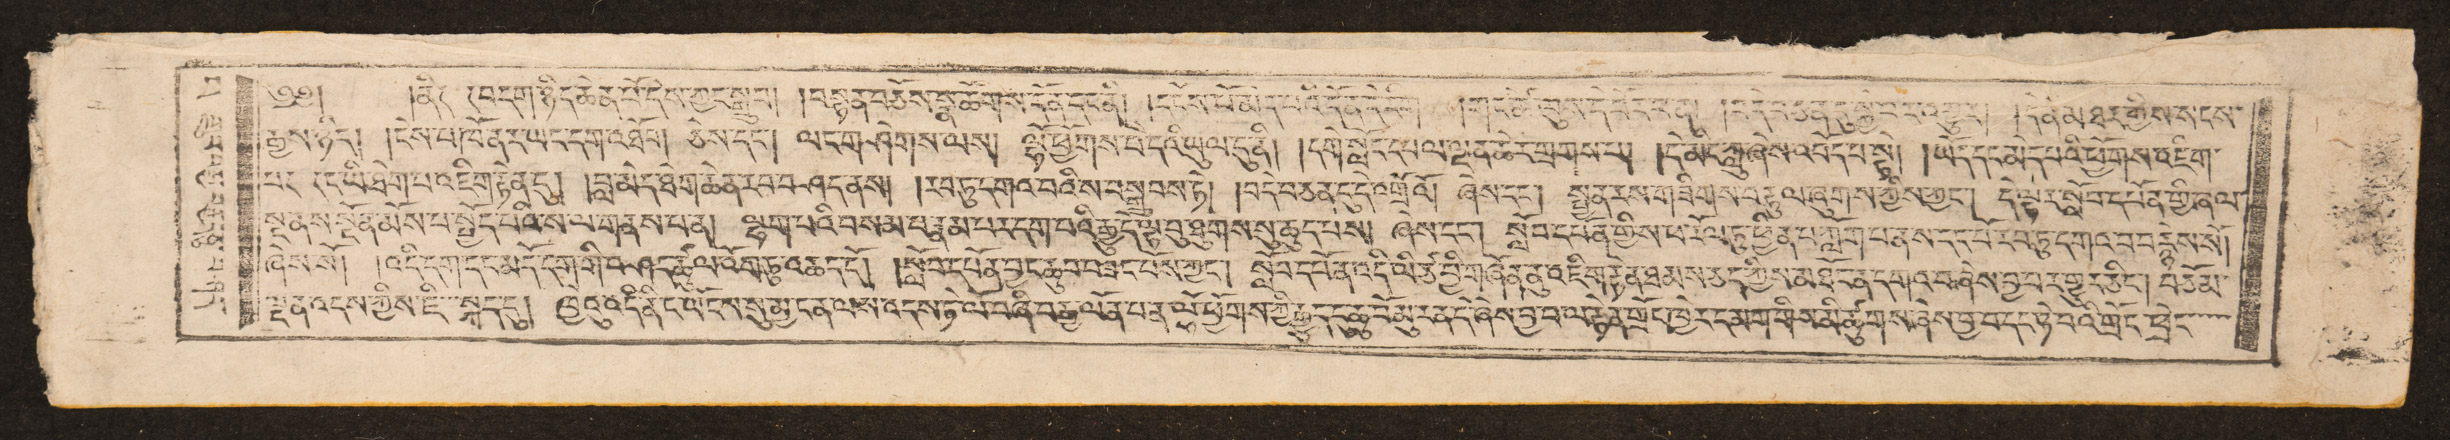༄༅། །ནི༑ ༑བདག་ཉིད་ཆེན་པོ་དེས་ཀྱང་སྒྲུབ། །བསྟན་བཅོས་སྣ་ཚོགས་དོན་དང་ནི། །དངོས་པོ་མེད་པའི་དོན་དེ་རིག །གང་ཚེ་ལུས་དེ་བོར་བ་ན། །བདེ་བ་ཅན་དུ་སྐྱེ་བར་འགྱུར། །དེ་ནི་མཐར་གྱིས་སངས་
རྒྱས་ཉིད། །ངེས་པ་ཁོ་ནར་ཡང་དག་འཐོབ། ཅེས་དང་། ལང་གཤེགས་ལས། ལྷོ་ཕྱོགས་བཻ་དའི་ཡུལ་དུ་ནི། །དགེ་སློང་དཔལ་ལྡན་ཆེར་གྲགས་པ། །དེ་མིང་ཀླུ་ཞེས་འབོད་པ་སྟེ། །ཡོད་དང་མེད་པའི་ཕྱོགས་འཇིག་
པ༑ ༑ང་ཡི་ཐེག་པ་འཇིག་རྟེན་དུ། །བླ་མེད་ཐེག་ཆེན་རབ་བཤད་ནས། །རབ་ཏུ་དགའ་བའི་ས་བསྒྲུབས་ཏེ། །བདེ་བ་ཅན་དུ་དེ་འགྲོའོ། ཞེས་དང་། སྤྱན་རས་གཟིགས་བརྟུལ་ཞུགས་ཀྱིས་ཀྱང་། དེ་ལྟར་སློབ་དཔོན་གྱི་ཞལ་
སྔ་ནས་སྔོན་མོས་པ་སྤྱོད་པའི་ས་ལ་གནས་པ་ན། ལྷག་པའི་བསམ་པ་རྣམ་པར་དག་པའི་རྒྱུ་དེ་ལྟ་བུ་ཐུགས་སུ་ཆུད་པས། ཞེས་དང་། སློབ་དཔོན་གྱིས་ཕ་རོལ་ཏུ་ཕྱིན་པ་ཀློག་པ་ནས་དང་པོ་རབ་ཏུ་དགའ་བ་བརྙེས་སོ།
ཞེས་སོ། །འདི་དག་དང་མདོ་དག་གི་བཤད་ཚུལ་འོག་ཏུ་འཆད་དོ། །སློབ་དཔོན་བྱང་ཆུབ་བཟང་པོས་ཀྱང་། སློབ་དཔོན་འདི་ལི་ཙ་བྱི་གཞོན་ནུ་འཇིག་རྟེན་ཐམས་ཅད་ཀྱིས་མཐོང་ན་དགའ་བཞེས་བྱ་བར་གྱུར་ཅིང་། བཅོམ་
ལྡན་འདས་ཀྱིས་ཇི་སྐད་དུ། ཁྱེའུ་འདི་ནི་ང་ཡོངས་སུ་མྱ་ངན་ལས་འདས་ཏེ་ལོ་བཞི་བརྒྱ་ལོན་པ་ན་ལྷོ་ཕྱོགས་གི་རྒྱུད་དུ་ཆུ་བོ་མུ་རན་དེ་ཞེས་བྱ་བ་ལ་རྟེན་གྲོང་ཁྱེར་དམག་གིས་མི་ཚུགས་ཞེས་བྱ་བ་དང་ཉེ་བའི་གྲོང་ཕྲེང་